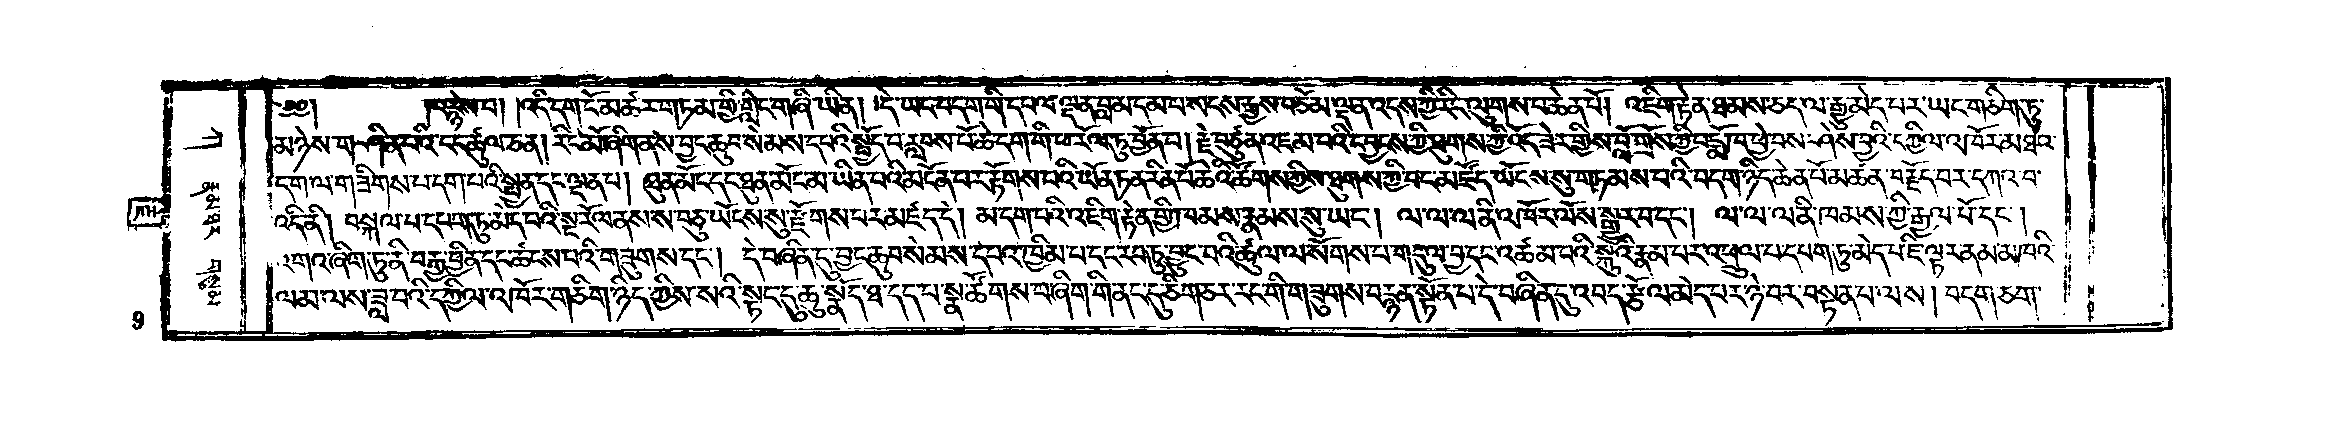༄༅། །བརྙེས་པ། །འདི་དག་ངོ་མཚར་གཏམ་གྱི་གླེང་གཞི་ཡིན། །དེ་ཡང་བདག་གི་དཔལ་ལྡན་བླ་མ་དམ་པ་སངས་རྒྱས་བཅོམ་ལྡན་འདས་ཀྱི་རིང་ལུགས་པ་ཆེན་པོ། འཇིག་རྟེན་ཐམས་ཅད་ལ་རྒྱུ་མེད་པར་ཡང་གཅིག་ཏུ་
མཉེས་གཤིན་པའི་ངང་ཚུལ་ཅན། རིང་མོ་ཞིག་ནས་བྱང་ཆུབ་སེམས་དཔའི་སྤྱོད་པ་རླབས་པོ་ཆེ་དག་གི་ཕ་རོལ་ཏུ་བྱོན་པ། རྗེ་བཙུན་འཇམ་པའི་དབྱངས་ཀྱི་ཐུགས་ཀྱི་འོད་ཟེར་གྱིས་བློ་གྲོས་ཀྱི་པདམོ་ཁ་ཕྱེ་བས་ཤེས་བྱའི་དཀྱིལ་འཁོར་མཐའ་
དག་ལ་གཟིགས་པ་དག་པའི་སྤྱན་དང་ལྡན་པ། ཐུན་མོང་དང་ཐུན་མོང་མ་ཡིན་པའི་མངོན་པར་རྟོགས་པའི་ཡོན་ཏན་རིན་པོ་ཆེའི་ཚོགས་ཀྱིས་ཐུགས་ཀྱི་བང་མཛོད་ཡོངས་སུ་གཏམས་པའི་བདག་ཉིད་ཆེན་པོ་མཚན་བརྗོད་པར་དཀའ་བ་
འདི་ནི། བསྐལ་པ་དཔག་ཏུ་མེད་པའི་སྔ་རོལ་ནས་ས་བཅུ་ཡོངས་སུ་རྫོགས་པར་མཛད་དེ། མ་དག་པའི་འཇིག་རྟེན་གྱི་ཁམས་རྣམས་སུ་ཡང་། ལ་ལ་ལ་ནི་འཁོར་ལོས་སྒྱུར་བ་དང་། ལ་ལ་ལ་ནི་ཁམས་ཀྱི་རྒྱལ་པོ་དང་།
འགའ་ཞིག་ཏུ་ནི་བརྒྱ་བྱིན་དང་ཚངས་པའི་གཟུགས་དང་། དེ་བཞིན་དུ་བྱང་ཆུབ་སེམས་དཔའ་ཁྱིམ་པ་དང་རབ་ཏུ་བྱུང་བའི་ཚུལ་ལ་སོགས་པ་གདུལ་བྱ་དང་འཚམ་པའི་སྐུའི་རྣམ་པར་འཕྲུལ་པ་དཔག་ཏུ་མེད་པ་ཇི་ལྟར་ནམ་མཁའི་
ལམ་ལས་ཟླ་བའི་དཀྱིལ་འཁོར་གཅིག་ཉིད་ཀྱིས་སའི་སྟང་དུ་ཆུ་སྣོད་ཐ་དད་པ་སྣ་ཚོགས་པ་ཞིག་གི་ནང་དུ་ཅིག་ཅར་རང་གི་གཟུགས་བརྙན་སྟོན་པ་དེ་བཞིན་དུ་འབད་རྩོལ་མེད་པར་ཉེ་བར་བསྟན་པ་ལས། བདག་ཅག་